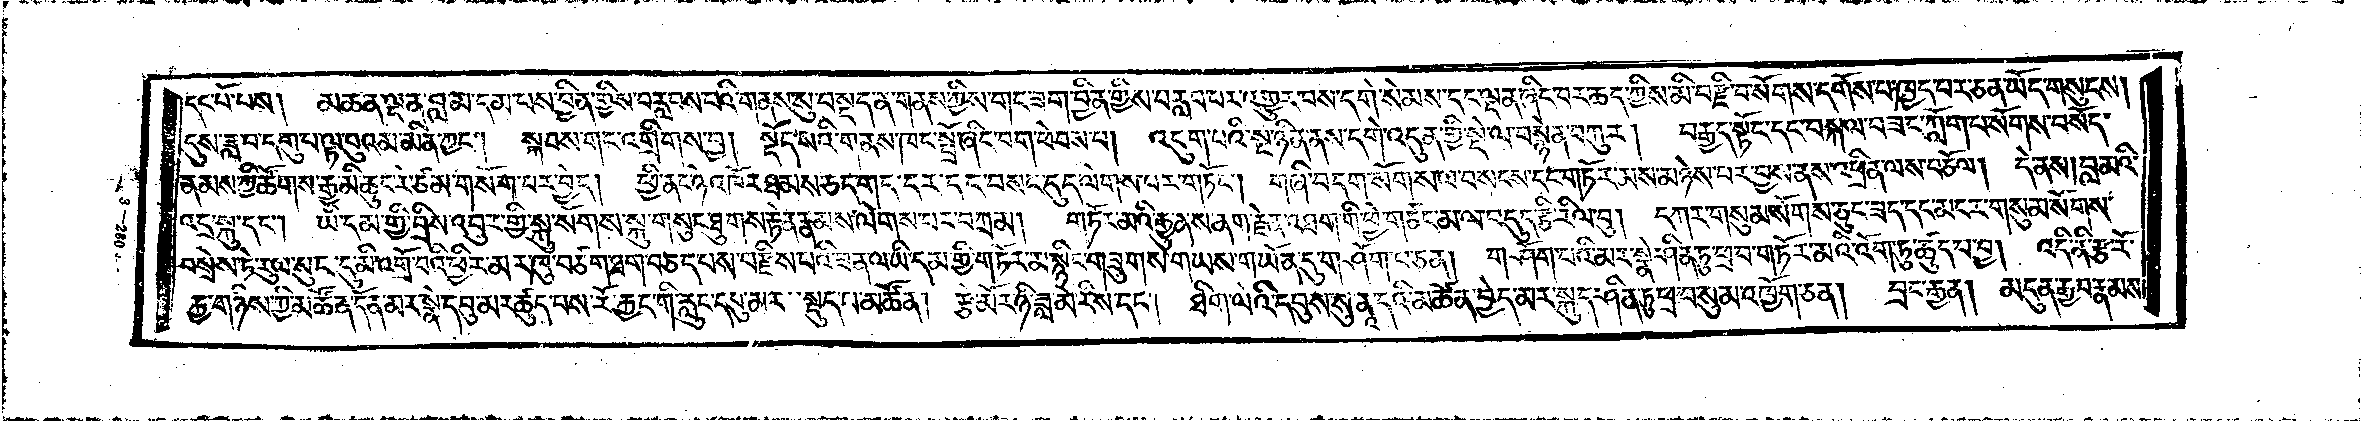དང་པོ་པས། མཚན་ལྡན་བླ་མ་དམ་པས་བྱིན་གྱིས་བརླབས་པའི་གནས་སུ་བསྡད་ན་གནས་ཀྱིས་གང་ཟག་བྱིན་གྱིས་བརླབ་པར་འགྱུར་བས་དགེ་སེམས་དང་ལྡན་ཞིང་བར་ཆད་ཀྱིས་མི་བརྫི་བ་སོགས་དགོས་པ་ཁྱད་པར་ཅན་ཡོད་གསུངས།
དུས་ཟླ་བ་དགུ་པ་ལྟ་བུའམ་མིན་ཀྱང་། སྐབས་གང་འགྲིགས་བྱ། སྡོད་སའི་གནས་ཁང་སྤྲོ་ཞིང་བག་ཕེབས་པ། འདུག་པའི་སྔ་ཉི་ནས་དགེ་འདུན་གྱི་སྡེ་ལ་བསྙེན་བཀུར། བརྒྱད་སྟོང་དང་བསྐལ་བཟང་ཀློག་པ་སོགས་བསོད་
ནམས་ཀྱི་ཚོགས་རྒྱ་མི་ཆུང་ཚེ་ཙམ་གསོག་པར་བྱེད། ཕྱི་ནང་ཉི་འཁོར་ཐམས་ཅད་གང་དར་དང་བསང་དུད་ལེགས་པར་གཏོང་། གཞི་བདག་སོགས་ལ་བསངས་དང་གཏོར་མས་མཉེས་པར་བྱས་ནས་འཕྲིན་ལས་བཅོལ། དེ་ནས། བླ་མའི་
འདྲ་སྐུ་དང་། ཡི་དམ་གྱི་བྲིས་འབྲུ་གྱི་སུ་སོགས་སྐུ་གསུང་ཐུགས་རྟེན་རྣམས་ལེགས་པ་བཀྲམ། གཏོར་མའི་རྒྱུན་ས་ནག་རྗེན་འཐག་གི་ཕྱེ་གཙང་མ་ལ་བདུད་རྩི་རིལ་བུ། དཀར་གསུམ་སོགས་བཅུང་ཟད་དང་མངར་གསུམ་སོགས་
བསྲེས་ཏེ་རུལ་སུང་དུ་མི་འགྲོ་བའི་ཕྱིར་མར་ཁུ་བཙག་ཐག་བཅད་པས་བརྫིས་པའི་ཟན་ལ་ཡི་དམ་གྱི་གཏོར་མ་སྙིང་གཟུགས་གཡས་གཡོན་དུ་གཤོག་པ་ཅན། གཤོག་པའི་མར་སྣེ་ཤིན་ཏུ་ཕྲ་བ་གཏོར་མའི་འོག་ཏུ་ཚུད་པ་བྱ། འདི་ནི་རྩ་རོ་
རྐྱ་གཉིས་ཀྱི་མཚོན་དོན་མར་སྣེ་དབུ་མར་ཚུད་པས་རོ་རྐྱང་གི་རླུང་དབུ་མར་སྡུད་པ་མཚོན། རྩེ་མོར་ཉི་ཟླ་མེ་རིས་དང་། ཐིག་ལེའི་དབུས་སུ་ནཱ་དའི་མཚོན་བྱེད་མར་སྐུད་ཤིན་ཏུ་ཕྲ་བ་སུམ་ཁྱོད་ཅན། བྲང་རྒྱན། བདུན་རྒྱབ་རྣམ་